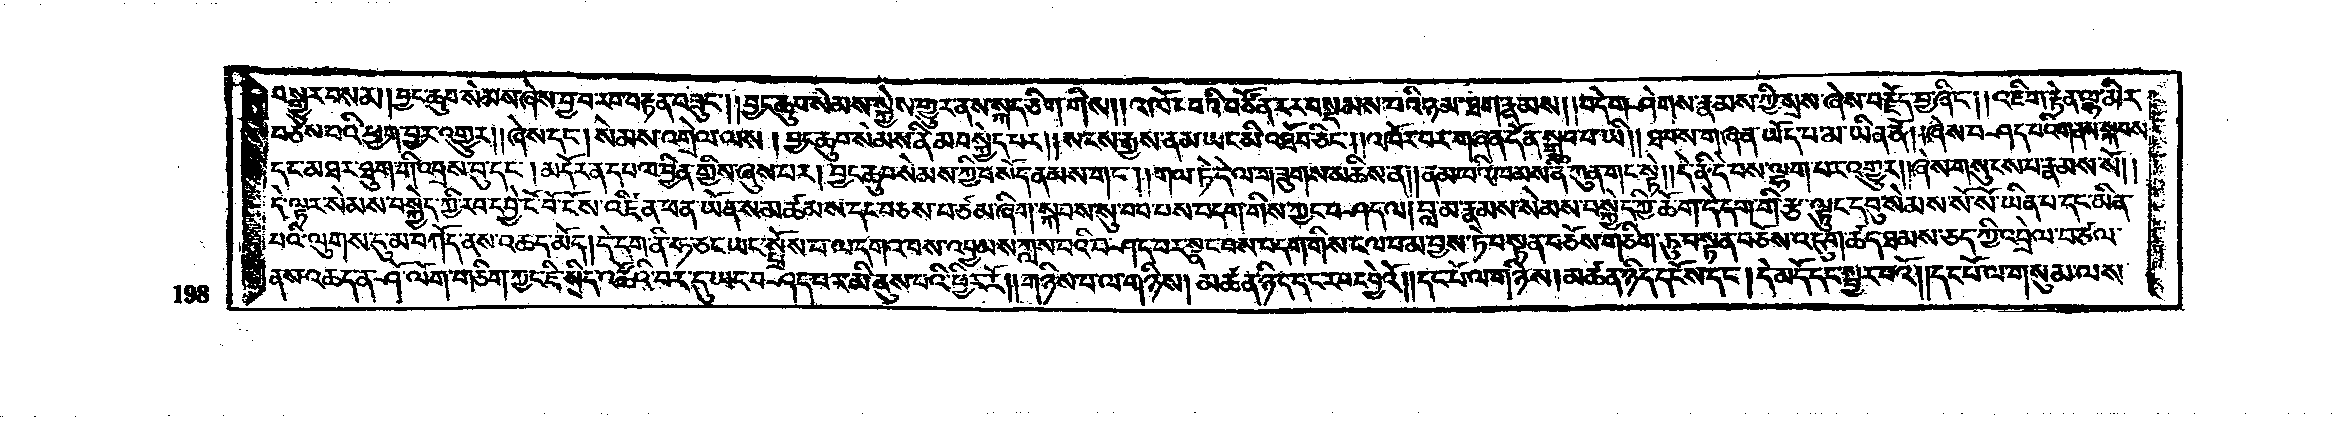བསྒྱུར་བསམ། བྱང་ཆུབ་སེམས་ཞེས་བྱ་བ་རབ་བརྟན་བཟུང་། །བྱང་ཆུབ་སེམས་སྐྱེས་གྱུར་ནས་སྐད་ཅིག་གིས། །འཁོར་བའི་བཙོན་རར་བསྡམས་པའི་ཉམ་ཐག་རྣམས། །བདེ་གཤེགས་རྣམས་ཀྱི་སྲས་ཞེས་བརྗོད་བྱ་ཞིང་། །འཇིག་རྟེན་ལྷ་མིར་
བཅས་པའི་ཕྱག་བྱར་འགྱུར། །ཞེས་དང་། སེམས་འགྲེལ་ལས། བྱང་ཆུབ་སེམས་ནི་མ་བསྐྱེད་པར། །སངས་རྒྱས་ནམ་ཡང་མི་འཐོབ་ཅིང་། །འཁོར་བར་གཞན་དོན་སྒྲུབ་པ་ཡི། །ཐབས་གཞན་ཡོད་པ་མ་ཡིན་ནོ། །ཞེས་བཤད་པའི་གནས་སྐབས་
དང་མཐར་ཐུག་གི་འབྲས་བུ་དང་། དོར་ན་དཔལ་བྱིན་གྱིས་ཞུས་པར། བྱང་ཆུབ་སེམས་ཀྱི་བསོད་ནམས་གང་། །གལ་ཏེ་དེ་ལ་གཟུགས་མཆིས་ན། །ནམ་མཁའི་ཁམས་ནི་ཀུན་གང་སྟེ། །དེ་ནི་དེ་བས་ལྷག་པར་འགྱུར། །ཞེས་གསུངས་པ་རྣམས་སོ། །
དེ་ལྟར་སེམས་བསྐྱེད་ཀྱི་རབ་དབྱེ་ངོ་བོ་ངོས་འཛིན་ཕན་ཡོན་ས་མཚམས་དང་བཅས་པ་ཙམ་ཞིག་སྐབས་སུ་བབ་པས་བདག་གིས་ཀྱང་བཤད་ལ། བླ་མ་རྣམས་སེམས་བསྐྱེད་ཀྱི་ཆོ་ག་དེ་དག་གི་རྩ་ལྟུང་དབུ་སེམས་སོ་སོ་ཡིན་པ་དང་མིན་
པའི་ལུགས་དུ་མ་བཀོད་ནས་འཆད་མོད། དེ་དག་ནི་ཧ་ཅང་ཡང་སྤྲོས་པ་ལ་དགའ་བས་འབྱམས་ཀླས་པའི་བཤད་པར་སྣང་བས་བདག་གིས་ངལ་བ་མ་བྱས་ཏེ་བསྟན་བཅོས་གཅིག་ཏུ་བསྟན་བཅོས་འདུག་ཚད་ཐམས་ཅད་ཀྱི་འབྲེལ་བ་ཙལ་
ནས་འཆད་ན་ཤོ་ལོག་གཅིག་ཀྱང་ཇི་སྲིད་འཚོའི་བར་དུ་ཡང་བཤད་པར་མི་ནུས་པའི་ཕྱིར་རོ། །གཉིས་པ་ལ་གཉིས། མཚན་ཉིད་དང་རབ་དབྱེའོ། །དང་པོ་ལ་གཉིས། མཚན་ཉིད་དངོས་དང་། དེ་མདོ་དང་སྦྱར་བའོ། །དང་པོ་ལ་གསུམ་ལས་